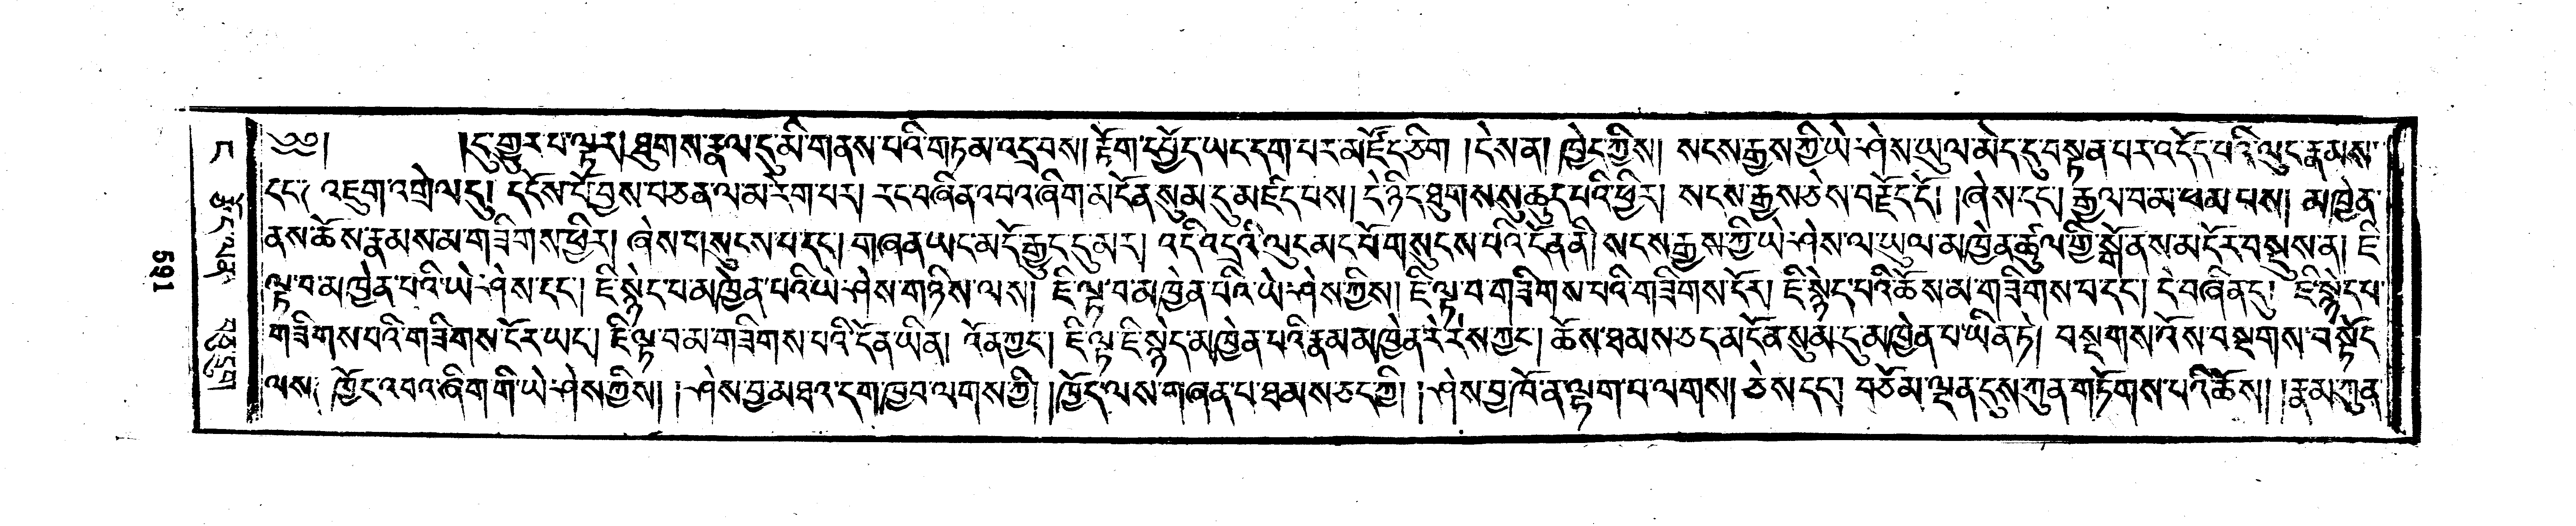༄༅། །དུ་གྱུར་པ་ལྟར། ཐུགས་རྣལ་དུ་མི་གནས་པའི་གཏམ་འདྲ་བས། རྟོག་དཔྱོད་ཡང་དག་པར་མཛོད་ཅིག །དེས་ན། ཁྱེད་ཀྱིས། སངས་རྒྱས་ཀྱི་ཡེ་ཤེས་ཡུལ་མེད་དུ་བསྟན་པར་འདོད་པའི་ལུང་རྣམས་
དང༑ འཇུག་འགྲེལ་དུ། དངོས་པོ་བྱས་བཅན་ལ་མ་རེག་པར། རང་བཞིན་འབའ་ཞིག་མངོན་སུམ་དུ་མཛད་པས། དེ་ཉིད་ཐུགས་སུ་ཆུད་པའི་ཕྱིར། སངས་རྒྱས་ཅེས་བརྗོད་དོ། །ཞེས་དང་། རྒྱལ་བ་མ་ཕམ་པས། མཁྱེན་
ནས་ཆོས་རྣམས་མ་གཟིགས་ཕྱིར། ཞེས་གསུངས་པ་དང་། གཞན་ཡང་མདོ་རྒྱུད་དུ་མར། འདི་འདྲའི་ལུང་མང་པོ་གསུངས་པའི་དོན་ནི། སངས་རྒྱས་ཀྱི་ཡེ་ཤེས་ལ་ཡུལ་མཁྱེན་ཚུལ་གྱི་སྒོ་ནས་མདོར་བསྡུས་ན། ཇི་
ལྟ་བ་མཁྱེན་པའི་ཡེ་ཤེས་དང་། ཇི་སྙེད་པ་མཁྱེན་པའི་ཡེ་ཤེས་གཉིས་ལས། ཇི་ལྟ་བ་མཁྱེན་པའི་ཡེ་ཤེས་ཀྱིས། ཇི་ལྟ་བ་གཞིགས་པའི་གཟིགས་ངོར། ཇི་སྙེད་པའི་ཆོས་མ་གཟིགས་པ་དང་། དེ་བཞིན་དུ། ཇི་སྙེད་པ་
གཟིགས་པའི་གཟིགས་ངོར་ཡང་། ཇི་ལྟ་བ་མ་གཟིགས་པའི་དོན་ཡིན། འོན་ཀྱང་། ཇི་ལྟ་ཇི་སྙེད་མཁྱེན་པའི་རྣམ་མཁྱེན་རེ་རེས་ཀྱང་། ཆོས་ཐམས་ཅད་མངོན་སུམ་དུ་མཁྱེན་པ་ཡིན་ཏེ། བསྔགས་འོས་བསྔགས་བསྟོད་
ལས༑ ཁྱོད་འབའ་ཞིག་གི་ཡེ་ཤེས་ཀྱིས། །ཤེས་བྱ་མཐའ་དག་ཁྱབ་ལགས་ཀྱི། །ཁྱོད་ལས་གཞན་པ་ཐམས་ཅད་ཀྱི། །ཤེས་བྱ་ཁོ་ན་ལྷག་པ་ལགས། ཅེས་དང་། བཅོམ་ལྡན་དུས་ཀུན་གཏོགས་པའི་ཆོས། །རྣམ་ཀུན་